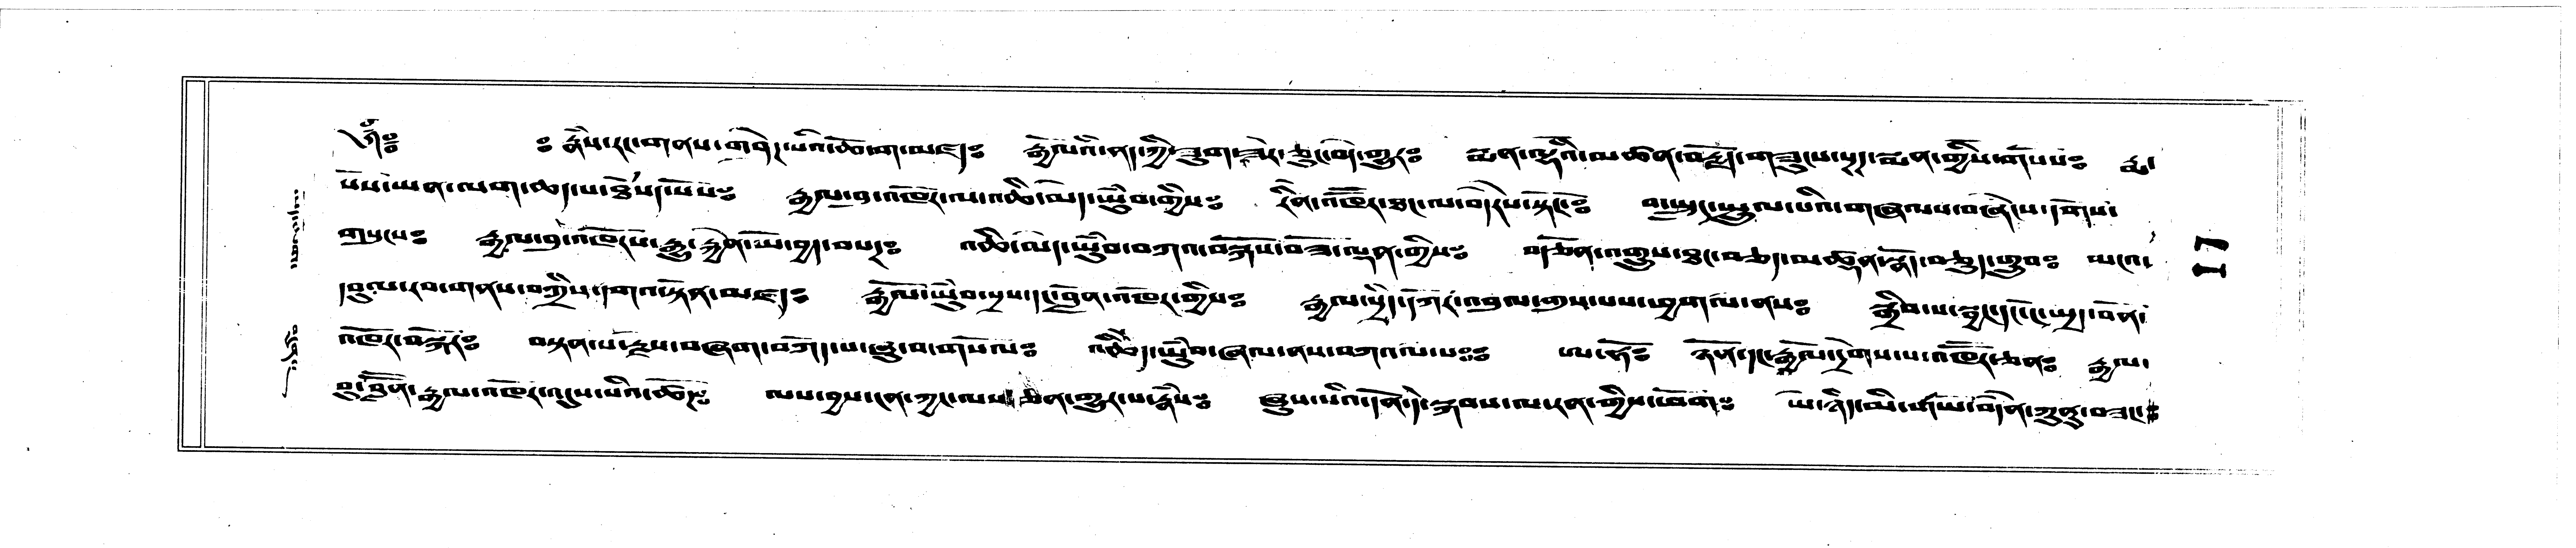རྣམས་རང་གནས་གཤེགས་པའི་ཆོ་ག་མཛདཿ རྒྱལ་པོའི་ནད་ཀྱི་ཟུག་གཟེར་ཅུང་བདེ་གྱུརཿ སྨན་ལྷའི་མཚན་བརྗོད་གཟུངས་སྔགས་སྨན་གྱིས་གསོསཿ རྨ་
སོས་ཡན་ལག་ཆད་པ་ཐམས་ཅད་སོསཿ རྒྱལ་བུ་འཁོར་ལ་འཆི་མེད་ཡབ་ཡུམ་གྱིསཿ རིན་ཆེན་འཁོར་ལོ་ཐང་ལ་བདེར་གཤེགས་སྟོངཿ གཡུང་དྲུང་སྤྲུལ་པའི་གཞལ་ཡས་བཞེངས་དགོས་
གསུངསཿ རྒྱལ་བུ་འཁོར་བཅས་རྒྱུ་རྐྱེན་ཡོ་བྱད་བསགསཿ འཆི་མེད་ཡབ་ཡུམ་བཀའ་བསྒོས་བཟོ་ལྡན་གྱིསཿ བརྩོན་འགྲུས་ཐང་བཅད་མཚན་ལྡན་སྣོད་བཅུད་གྲུབཿ མངའ་
དབུལ་རབ་གནས་བཀྲ་ཤིས་དགའ་སྟོན་མཛདཿ རྒྱལ་པོ་ཡབ་ཡུམ་སྲས་དང་བློན་འཁོར་གྱིསཿ རྒྱལ་སྲིད་དཀོར་འབུལ་གུས་པས་ཕྱག་འཚལ་ནསཿ སྒྲིབ་པ་སྦྱང་དང་ངོ་སྤྲད་བོན་
འཁོར་བསྐོརཿ བསྟན་པ་རྗེས་བཞག་བཀོད་པ་ཞུ་བ་གསོལཿ འཆི་མེད་ཡབ་ཡུམ་ཞལ་ནས་བཀའ་སྩལ་པཿ ཨ་ཧོ༑ ཉོན་དང་རྒྱལ་པོ་དྲེགས་པ་འཁོར་ལོ་ཅནཿ རྒྱལ་
བུ་བློན་པོ་རྒྱལ་འཁོར་འདུས་པའི་ཚོགསཿ ལས་བྱས་ངན་ཀྱང་ལས་ཅན་གྱུར་པ་རྣམསཿ ཞུས་པའི་དོན་དེ་སྐབས་ལ་རན་གྱིས་ཕོགཿ ཡེ་ཉིད་མི་གཡོ་བདེ་ཆེན་ཀུན་ཏུ་བཟངཿ